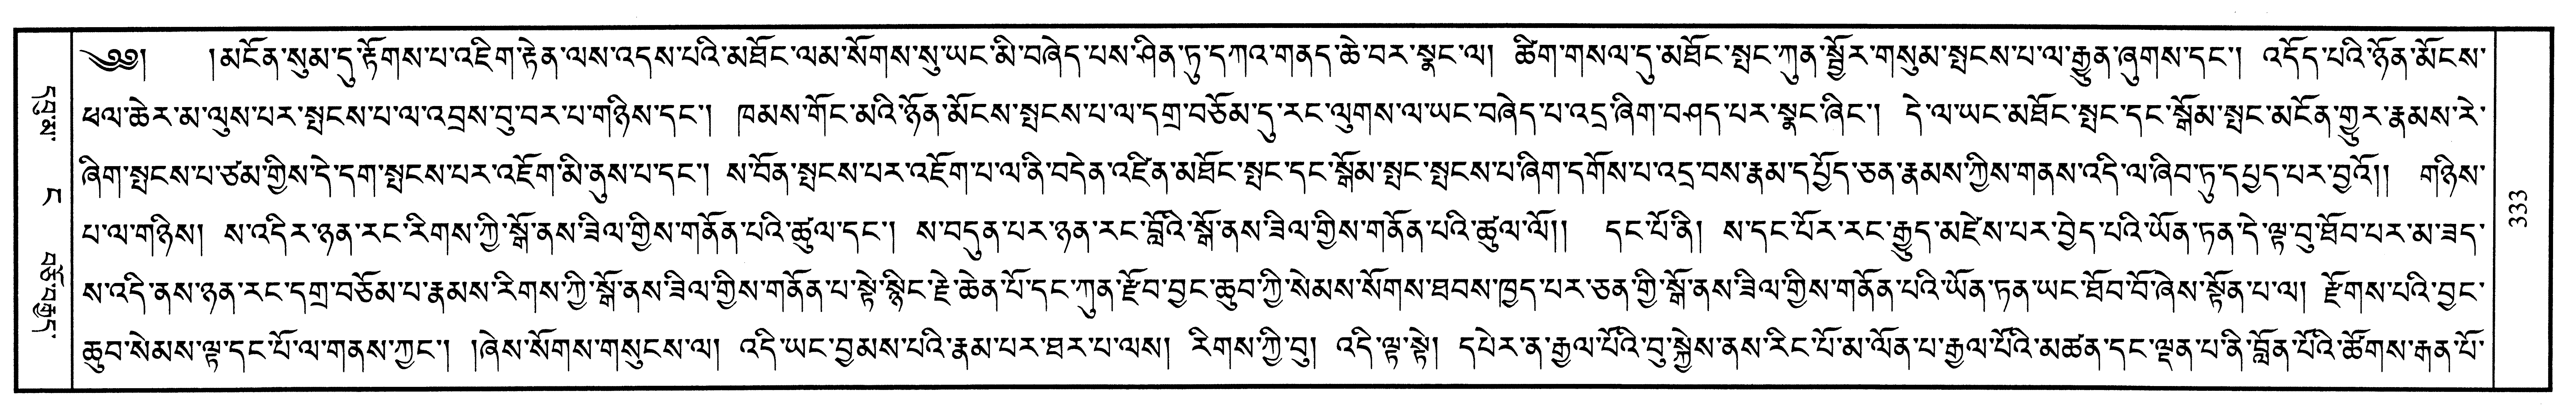༄༅། །མངོན་སུམ་དུ་རྟོགས་པ་འཇིག་རྟེན་ལས་འདས་པའི་མཐོང་ལམ་སོགས་སུ་ཡང་མི་བཞེད་པས་ཤིན་ཏུ་དཀའ་གནད་ཆེ་བར་སྣང་ལ། ཚིག་གསལ་དུ་མཐོང་སྤང་ཀུན་སྦྱོར་གསུམ་སྤངས་པ་ལ་རྒྱུན་ཞུགས་དང་། འདོད་པའི་ཉོན་མོངས་
ཕལ་ཆེར་མ་ལུས་པར་སྤངས་པ་ལ་འབྲས་བུ་བར་པ་གཉིས་དང་། ཁམས་གོང་མའི་ཉོན་མོངས་སྤངས་པ་ལ་དགྲ་བཅོམ་དུ་རང་ལུགས་ལ་ཡང་བཞེད་པ་འདྲ་ཞིག་བཤད་པར་སྣང་ཞིང་། དེ་ལ་ཡང་མཐོང་སྤང་དང་སྒོམ་སྤང་མངོན་གྱུར་རྣམས་རེ་
ཞིག་སྤངས་པ་ཙམ་གྱིས་དེ་དག་སྤངས་པར་འཇོག་མི་ནུས་པ་དང་། ས་བོན་སྤངས་པར་འཇོག་པ་ལ་ནི་བདེན་འཛིན་མཐོང་སྤང་དང་སྒོམ་སྤང་སྤངས་པ་ཞིག་དགོས་པ་འདྲ་བས་རྣམ་དཔྱོད་ཅན་རྣམས་ཀྱིས་གནས་འདི་ལ་ཞིབ་ཏུ་དཔྱད་པར་བྱའོ།། གཉིས་
པ་ལ་གཉིས། ས་འདིར་ཉན་རང་རིགས་ཀྱི་སྒོ་ནས་ཟིལ་གྱིས་གནོན་པའི་ཚུལ་དང་། ས་བདུན་པར་ཉན་རང་བློའི་སྒོ་ནས་ཟིལ་གྱིས་གནོན་པའི་ཚུལ་ལོ།། དང་པོ་ནི། ས་དང་པོར་རང་རྒྱུད་མཛེས་པར་བྱེད་པའི་ཡོན་ཏན་དེ་ལྟ་བུ་ཐོབ་པར་མ་ཟད་
ས་འདི་ནས་ཉན་རང་དགྲ་བཅོམ་པ་རྣམས་རིགས་ཀྱི་སྒོ་ནས་ཟིལ་གྱིས་གནོན་པ་སྟེ་སྙིང་རྗེ་ཆེན་པོ་དང་ཀུན་རྫོབ་བྱང་ཆུབ་ཀྱི་སེམས་སོགས་ཐབས་ཁྱད་པར་ཅན་གྱི་སྒོ་ནས་ཟིལ་གྱིས་གནོན་པའི་ཡོན་ཏན་ཡང་ཐོབ་བོ་ཞེས་སྟོན་པ་ལ། རྫོགས་པའི་བྱང་
ཆུབ་སེམས་ལྟ་དང་པོ་ལ་གནས་ཀྱང་། །ཞེས་སོགས་གསུངས་ལ། འདི་ཡང་བྱམས་པའི་རྣམ་པར་ཐར་པ་ལས། རིགས་ཀྱི་བུ། འདི་ལྟ་སྟེ། དཔེར་ན་རྒྱལ་པོའི་བུ་སྐྱེས་ནས་རིང་པོ་མ་ལོན་པ་རྒྱལ་པོའི་མཚན་དང་ལྡན་པ་ནི་བློན་པོའི་ཚོགས་རྒན་པོ་